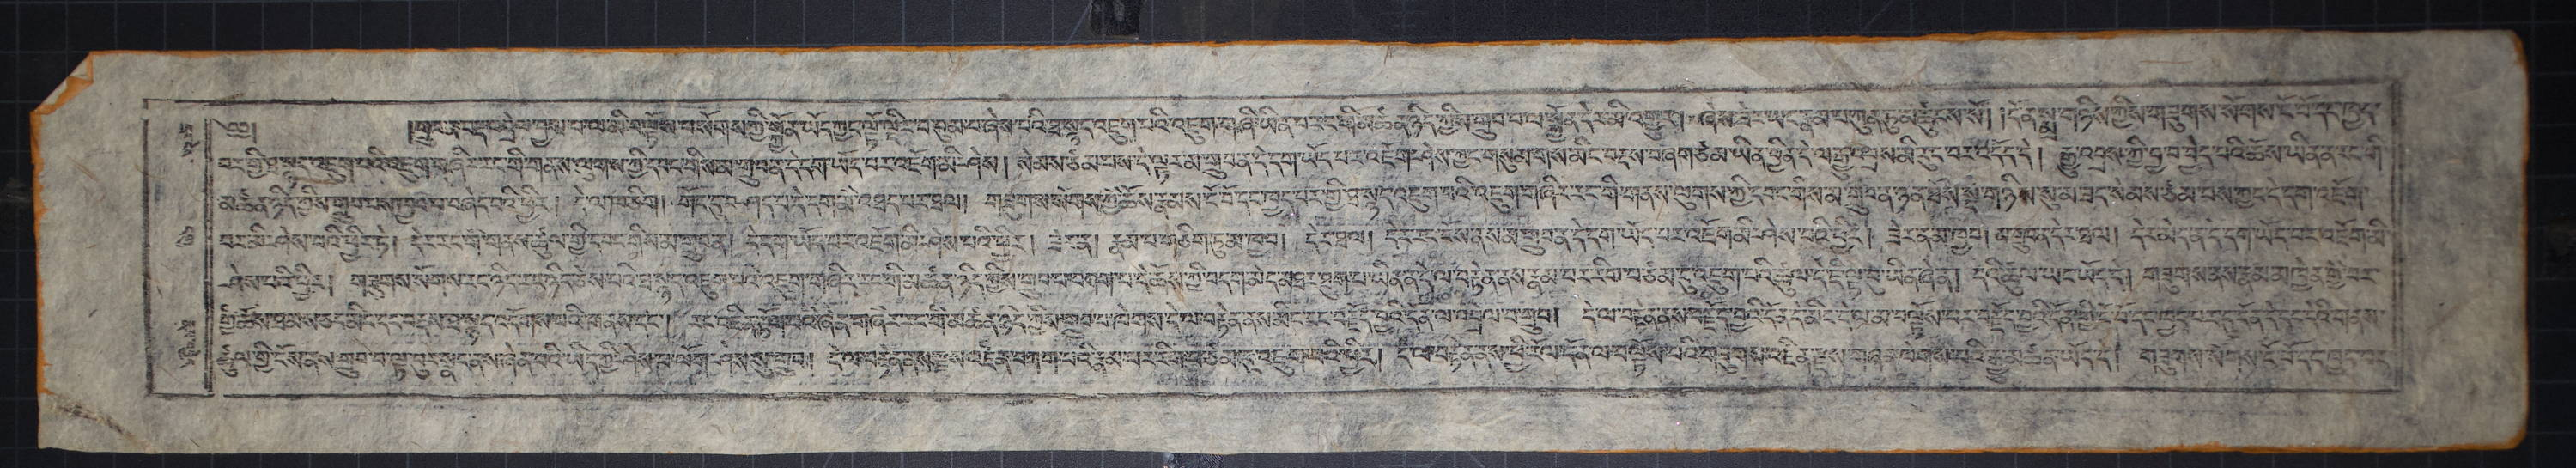༄༅། །གྲུབ་ན་བརྡ་འབྲེལ་བྱས་པ་ལ་མི་བལྟོས་པ་སོགས་ཀྱི་སྐྱོན་ཡོད་ཀྱང་ལྟོ་ལྡིར་བ་བུམ་པ་ཞེས་པའི་ཐ་སྙད་འཇུག་པའི་འཇུག་གཞི་ཡིན་པ་རང་གི་མཚན་ཉིད་ཀྱིས་གྲུབ་པ་ལ་སྐྱོན་དེར་མི་འགྱུར། ཞེས་ཟེར་ཡང་རྣམ་པ་ཀུན་ཏུ་མཚུངས་སོ། །དོན་སྨྲ་གཉིས་ཀྱིས་གཟུགས་སོགས་ངོ་བོ་དང་ཁྱད་
པར་གྱི་ཐ་སྙད་འཇུག་པའི་འཇུག་གཞིར་རང་གི་གནས་ལུགས་ཀྱི་དབང་གིས་མ་གྲུབ་ན་དེ་དག་ཡོད་པར་འཇོག་མི་ཤེས། སེམས་ཙམ་པས་དེ་ལྟར་མ་གྲུབ་ན་དེ་དག་ཡོད་པར་འཇོག་ཤེས་ཀྱང་གསུམ་གས་མིང་བརྡས་བཞག་ཙམ་ཡིན་ཕྱིན་དེ་ལ་རྒྱུ་འབྲས་མི་རུང་བར་འདོད་དེ། རྒྱུ་འབྲས་ཀྱི་བྱ་བ་བྱེད་པའི་ཆོས་ཡིན་ན་རང་གི་
མཚན་ཉིད་ཀྱིས་གྲུབ་པས་ཁྱབ་པ་བཞེད་པའི་ཕྱིར། དེ་ལ་ཁ་ཅིག །གོང་དུ་བཤད་པ་དེ་དག་མི་འཐད་པར་ཐལ། གཟུགས་སོགས་ཀྱི་ཆོས་རྣམས་ངོ་བོ་དང་ཁྱད་པར་གྱི་ཐ་སྙད་འཇུག་པའི་འཇུག་གཞིར་རང་གི་གནས་ལུགས་ཀྱི་དབང་གིས་མ་གྲུབ་ན་ཉན་ཐོས་སྡེ་གཉིས་སུ་མ་ཟད་སེམས་ཙམ་པས་ཀྱང་དེ་དག་འཇོག་
པར་མི་ཤེས་པའི་ཕྱིར་ཏེ། དེར་རང་གི་གནས་ཚུལ་གྱི་དབང་གིས་མ་གྲུབ་ན། དེ་དག་ཡོད་པར་འཇོག་མི་ཤེས་པའི་ཕྱིར། ཟེར་ན། རྣམ་པ་གཅིག་ཏུ་མ་ཁྱབ། དེར་ཐལ། དེར་རང་ངོས་ནས་མ་གྲུབ་ན་དེ་དག་ཡོད་པར་འཇོག་མི་ཤེས་པའི་ཕྱིར། ཟེར་ན་མ་ཁྱབ། མ་གྲུབ་ན་དེར་ཐལ། དེར་མེད་ན་དེ་དག་ཡོད་པར་འཇོག་མི་
ཤེས་པའི་ཕྱིར། གཟུགས་སོགས་རང་ཉིད་རང་ཉིད་ཅེས་པའི་ཐ་སྙད་འཇུག་པའི་འཇུག་གཞིར་རང་གི་མཚན་ཉིད་ཀྱིས་གྲུབ་པ་བཀག་པ་དེ་ཆོས་ཀྱི་བདག་མེད་མཐར་ཐུག་པ་ཡིན་ན་དེ་ལ་བརྟེན་ནས་རྣམ་པར་རིག་པ་ཙམ་དུ་འཇུག་པའི་ཚུལ་དེ་ཇི་ལྟ་བུ་ཡིན་ཞེ་ན། དེའི་ཚུལ་ཡང་ཡོད་དེ། གཟུགས་ནས་རྣམ་མཁྱེན་གྱི་བར་
གྱི་ཆོས་ཐམས་ཅད་མིང་དང་བརྡས་ཐ་སྙད་འདོགས་པའི་གནས་དང་། རང་འཛིན་རྟོག་པའི་ཞེན་གཞིར་རང་གི་མཚན་ཉིད་ཀྱིས་གྲུབ་པ་ཁེགས་དེ་ལ་བརྟེན་ནས་མིང་དང་བརྗོད་བྱའི་དོན་ལ་འབྲེལ་བ་གྲུབ། དེ་ལ་བརྟེན་ནས་བརྗོད་བྱའི་དོན་དེ་མིང་དེ་ལ་མ་བལྟོས་པར་བརྗོད་བྱའི་དོན་གྱི་ངོ་བོ་དང་ཁྱད་པར་དུ་དོན་དེ་དང་དེའི་གནས་
ཚུལ་གྱི་ངོས་ནས་གྲུབ་པ་ལྟ་བུར་སྣང་ནས་ཞེན་པའི་ཡིད་ཀྱི་ཤེས་པ་ལོག་ཤེས་སུ་གྲུབ། དེ་ལ་བརྟེན་ནས་རྫས་འཛིན་བཀག་པའི་རྣམ་པར་རིག་པ་ཙམ་དུ་འཇུག་པའི་ཕྱིར། དེ་ལ་བརྟེན་ནས་ཕྱི་རོལ་དོན་ལ་བལྟོས་པའི་གཟུགས་འཛིན་རྫས་གཞན་ཁེགས་པའི་རྒྱུ་མཚན་ཡོད་དེ། གཟུགས་སོགས་ངོ་བོ་དང་ཁྱད་པར་